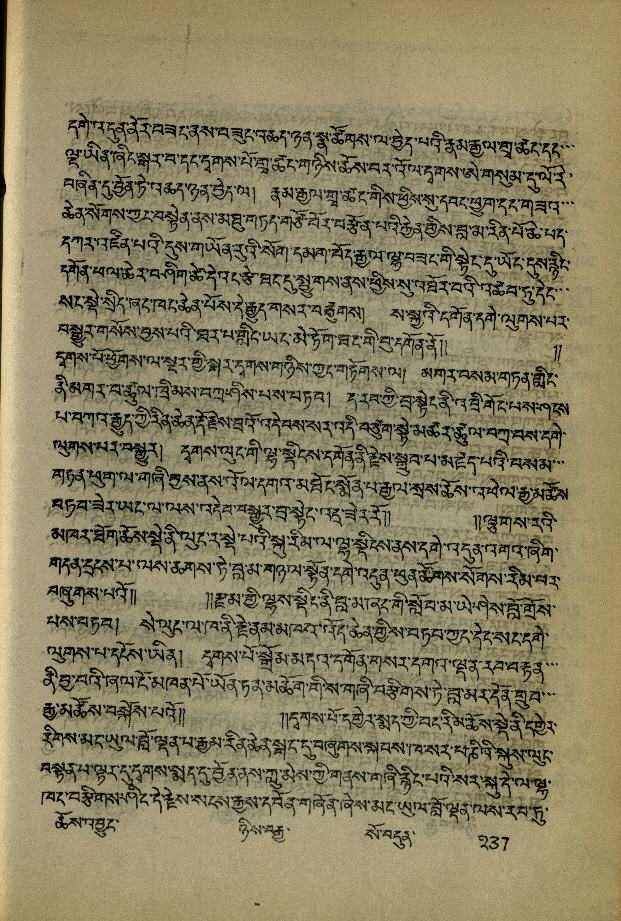དགེ་འདུན་ནོར་བཟང་ནས་བཟུང་འཆད་ཉན་སྣ་ཚོགས་ལ་བྱེད་པའི་རྣམ་རྒྱལ་གྲྭ་ཚང་དང་
ལྔ་ཡིན་ཞིང་སྒར་བ་དང་དྭགས་པོ་གྲྭ་ཚང་གཉིས་ཆོས་བར་འོལ་དྭགས་ཨེ་གསུམ་དུ་ལོ་རེ་
བཞིན་དུ་བྱོན་ཏེ་འཆད་ཉན་བྱེད་ལ། རྣམ་རྒྱལ་གྲྭ་ཚང་གིས་ཕྱིས་སུ་དབང་ཕྱུག་དང་གཟའ་
ཆེན་སོགས་ཀྱང་བསྟེན་ནས་མཐུ་གཏད་གཙོ་བོར་བརྩོན་པའི་རྐྱེན་གྱིས་བླ་མ་རིན་པོ་ཆེ་པད་
དཀར་འཛིན་པའི་དུས་གཡོན་རུའི་སོག་དམག་བོད་རྒྱལ་ལྷ་བཟང་གི་སྟེང་དུ་ཡོང་དུས་རྙིང་
དགོན་ཕལ་ཆེར་བཤིག་ཚེ་དེའང་རྩེ་ཐང་དུ་སྤྱུགས་ནས་ཕྱིས་སུ་འཐོར་བའི་འཚབ་ཏུ་དེང་
སང་སྡེ་སྲིད་ཞང་ཁང་ཆེན་པོས་དེ་རྒྱུད་གསར་བརྩུགས། ས་སྐྱའི་དགོན་དགེ་ལུགས་པར་
བསྒྱུར་གསོས་བྱས་པའི་ཐར་པ་གླིང་ཡང་མེ་ཏོག་ཐང་གི་བུ་དགོན་ནོ།། །།
དྭགས་པོ་ཕྱོགས་ལ་སྔར་གྱི་སྒར་དྭགས་གཉིས་ཀྱང་གཏོགས་ལ། མགར་བསམ་གཏན་གླིང་
ནི་མགར་བ་ཚུལ་ཁྲིམས་བཀྲ་ཤིས་པས་བཏབ། ད་རབ་ཀྱི་བྲ་སྟེང་ནི་འབྲི་གོང་པས་ཤངས་
པ་བཀའ་རྒྱུད་ཀྱི་རིན་ཆེན་རྡོ་རྗེས་བྲའོ་འདེབས་སར་འདི་བཙུག་སྟེ་མཚར་ཚུལ་བཀྲ་བས་དགེ་
ལུགས་པར་བསྒྱུར། དྭགས་ལུང་གི་ལྷ་སྡིངས་དགོན་ནི་རྗེས་སྒྲུབ་པ་མཛད་པའི་བསམ་
གཏན་ཕུག་ལ་གཞི་བྱས་ནས་འོ་ལ་དགའ་མཐོང་སྨོན་པ་རྒྱལ་སྲས་ཆོས་འཕེལ་རྒྱ་མཚོས་
བཏབ་ཟེར་ཡང་ལ་ལས་འདེབ་བསྒྱུར་བྲ་སྟེང་འདྲ་ཟེར་རོ།། །།ལྕགས་རའི་
མཁར་ཐོག་ཆོས་སྡེ་ནི་ལུང་ར་སྡེ་པའི་སྐུ་རིམ་ལ་ལྷ་སྡིངས་ནས་དགེ་འདུན་འགའ་ཞིག་
གདན་དྲངས་པ་ལས་ཆགས་ཏེ་བླ་མ་གཉལ་སྟོན་དགེ་འདུན་ཕུན་ཚོགས་སོགས་རིམ་པར་
བཞུགས་པའོ།། །།རྫ་མ་གྱི་ལྷས་སྡིང་ནི་བླ་མ་ཞང་གི་སློབ་མ་ཡེ་ཤེས་བློ་གྲོས་
པས་བཏབ། སེ་ལུང་ལ་ཁ་ནི་རྗེ་ནམ་མཁའ་འོད་ཆེན་གྱིས་བཏབ་ཀྱང་དེང་སང་དགེ་
ལུགས་པ་དངོས་ཡིན། དྭགས་པོ་སྒྲོམ་མདའ་དགོན་གསར་དགའ་ལྡན་རབ་བརྟན་
ནི་བྱ་བའི་ཞལ་ངོ་མཁན་པོ་ཡོན་ཏན་མཆོག་གི་ས་གཞི་བརྩིགས་ཏེ་བླ་མར་དོན་གྲུབ་
རྒྱ་མཚོས་བསྐོས་པའོ།། །།དྭགས་པོ་དགྱེར་སྨད་ཀྱི་བང་རིམ་ཆོས་སྡེ་ནི་དགྱེར་
རིགས་མང་ཡུལ་བློ་ལྡན་པ་རྒྱམ་རིན་ཆེན་སྒང་དུ་བཞུགས་སྐབས་ཁ་སར་པ་ཎིའི་སྐུས་ལུང་
བསྟན་པ་ལྟར་དུ་དྭགས་སྨད་དུ་བྱོན་ནས་ཀླུ་མེས་ཀྱི་གནས་གཞི་རྙིང་པའི་སར་སྐུ་དེ་ལ་ལྷ་
ཁང་བརྩིགས་ཤིང་དེ་རྗེས་སངས་རྒྱས་དབོན་གཞོན་ཞེས་མང་ཡུལ་བློ་ལྡན་ལས་རབ་ཏུ་